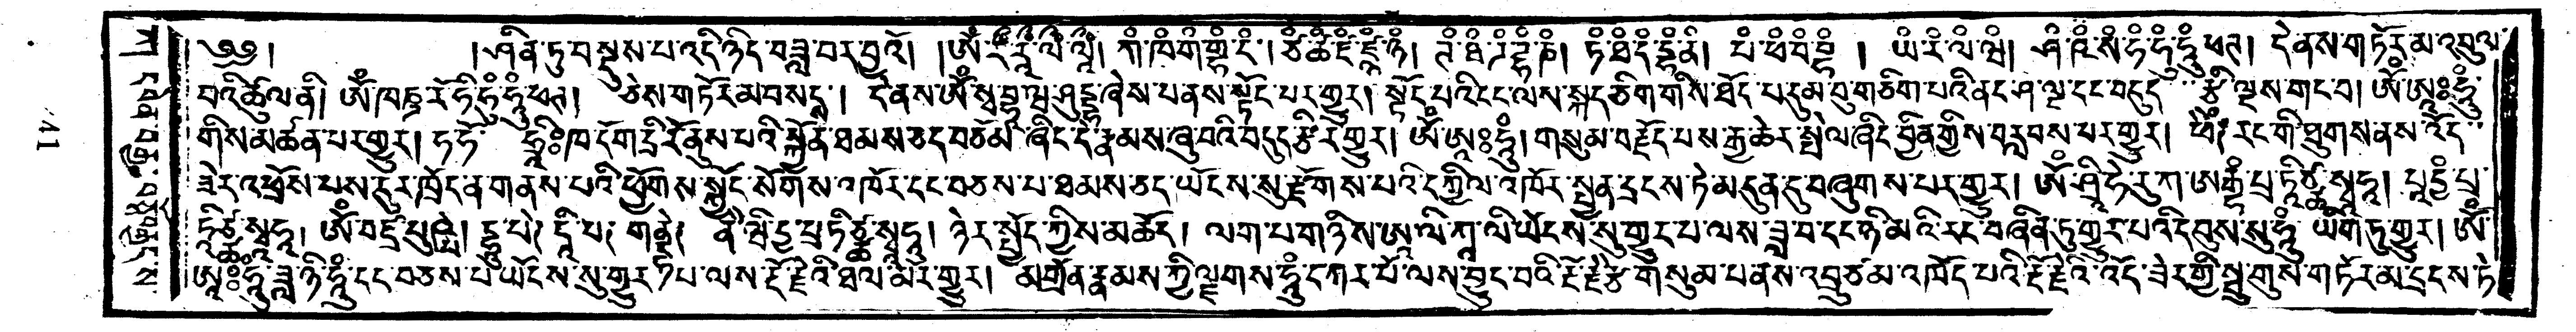༄༅། །ཤིན་ཏུ་བསྡུས་པ་འདི་ཉིད་བཟླ་བར་བྱའོ། །ཨོཾ་རྀཾ་རཱྀཾ་ལྀཾ་ལཱྀཾ། ཀཾ་ཁཾ་གཾ་གྷཾ་ངཾ། ཙཾ་ཚཾ་ཛཾ་ཛྙཾ་ཉཾ། ཊཾ་ཐཾ་ཌཾ་ཌྷཾ་ཎཾ། ཏཾ་ཐཾ་དཾ་དྷཾ་ནཾ། པཾ་ཕཾ་བཾ་བྷཾ། ཡཾ་རཾ་ལཾ་ཝཾ། ཤཾ་ཥཾ་སཾ་ཧཾ་ཧུཾ་ཧཱུཾ་ཕཊ། དེ་ནས་གཏོར་མ་འབུལ་
བའི་ཚུལ་ནི། ཨོཾ་ཁཎྜ་རོ་ཧི་ཧུཾ་ཧཱུཾ་ཕཊ། ཅེས་གཏོར་མ་བསངས། དེ་ནས་ཨོཾ་སྭ་བྷཱ་ཝ་ཤུདྡྷ་ཞེས་པ་ནས་སྟོང་པར་གྱུར། སྟོང་པའི་ངང་ལས་སྐད་ཅིག་གིས་ཐོད་པ་དུམ་བུ་གཅིག་པའི་ནང་ཤ་ལྔ་དང་བདུད་རྩི་ལྔས་གང་བ། ཨོཾ་ཨཱཿ ཧཱུཾ་
གིས་མཚན་པར་གྱུར། ཧ་ཧོ་ཧྲཱིཿ ཁ་དོག་དྲི་རོ་ནུས་པའི་སྐྱོན་ཐམས་ཅད་བཅོམ་ཞིང་དེ་རྣམས་ཞུ་བའི་བདུད་རྩིར་གྱུར། ཨོཾ་ཨཱཿ ཧཱུཾ། གསུམ་བརྗོད་པས་རྒྱ་ཆེར་སྤེལ་ཞིང་བྱིན་གྱིས་བརླབས་པར་གྱུར། ཕཻཾ༑ རང་གི་ཐུགས་ནས་འོད་
ཟེར་འཕྲོས་པས་དུར་ཁྲོད་ན་གནས་པའི་ཕྱོགས་སྐྱོང་སོགས་འཁོར་དང་བཅས་པ་ཐམས་ཅད་ཡོངས་སུ་རྫོགས་པའི་དཀྱིལ་འཁོར་སྤྱན་དྲངས་ཏེ་མདུན་དུ་བཞུགས་པར་གྱུར། ཨོཾ་ཤྲཱི་ཧེ་རུ་ཀ་ཨརྒྷཾ་པྲ་ཏཱིཙྪ་སྭཱཧཱ། པཱདྱཾ་པྲ་
ཏཱིཙྪ་སྭཱཧཱ། ཨོཾ་བཛྲ་པུཥྤེ། དྷཱུ་པེ༑ དཱི་པ༑ གནྡྷེ༑ ནཻ་ཝི་དྱ་པྲ་ཏིཙྪ་སྭཱཧཱ། ཉེར་སྤྱོད་ཀྱིས་མཆོད། ལག་པ་གཉིས་ཨཱ་ལི་ཀཱ་ལི་ཡོངས་སུ་གྱུར་པ་ལས་ཟླ་བ་དང་ཉི་མའི་རང་བཞིན་ཏུ་གྱུར་པའི་དབུས་སུ་ཧཱུཾ་ཡིག་ཏུ་གྱུར། ཨོཾ་
ཨཱཿ ཧཱུཾ་ཟླ་ཉི་ཧཱུཾ་དང་བཅས་པ་ཡོངས་སུ་གྱུར་པ་ལས་རྡོ་རྗེའི་ཐལ་མོར་གྱུར། མགྲོན་རྣམས་ཀྱི་ལྗགས་ཧཱུཾ་དཀར་པོ་ལས་བྱུང་བའི་རྡོ་རྗེ་རྩེ་གསུམ་པ་ནས་འབྲུ་ཙམ་འཁོད་པའི་རྡོ་རྗེའི་འོད་ཟེར་གྱི་སྦུ་གུས་གཏོར་མ་དྲངས་ཏེ་